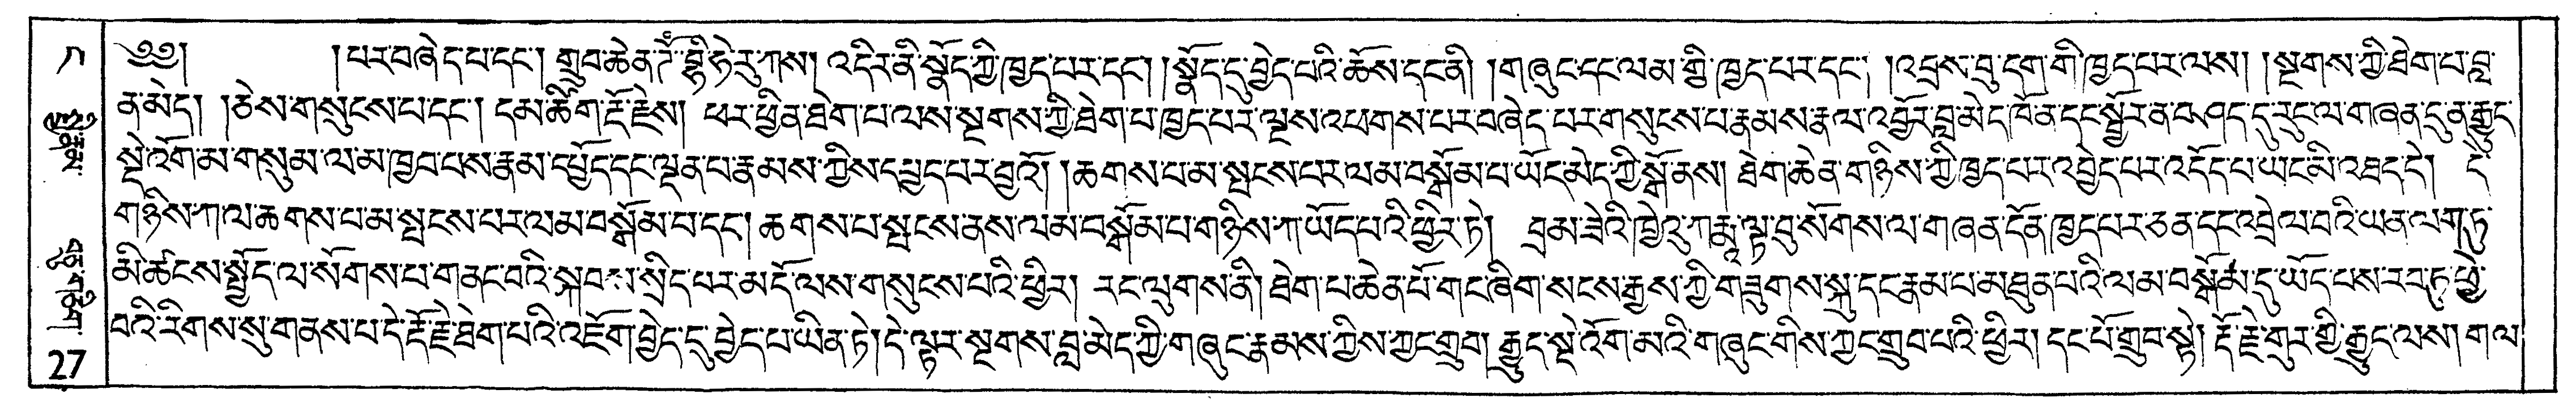༄༅། །པར་བཞེད་པ་དང་། གྲུབ་ཆེན་ཌོཾ་བྷི་ཧེ་རུ་ཀས། འདིར་ནི་སྣོད་ཀྱི་ཁྱད་པར་དང་། །སྣོད་དུ་བྱེད་པའི་ཆོས་དང་ནི། །གཞུང་དང་ལམ་གྱི་ཁྱད་པར་དང་། །འབྲས་བུ་དག་གི་ཁྱད་པར་ལས། །སྔགས་ཀྱི་ཐེག་པ་བླ་
ན་མེད། །ཅེས་གསུངས་པ་དང་། དམ་ཚིག་རྡོ་རྗེས། ཕར་ཕྱིན་ཐེག་པ་ལས་སྔགས་ཀྱི་ཐེག་པ་ཁྱད་པར་ལྔས་འཕགས་པར་བཞེད་པར་གསུངས་པ་རྣམས་རྣལ་འབྱོར་བླ་མེད་ཁོ་ན་དང་སྦྱོར་ན་བཤད་དུ་རུང་ལ་གཞན་དུ་ན་རྒྱུད་
སྡེ་འོག་མ་གསུམ་ལ་མ་ཁྱབ་པས་རྣམ་དཔྱོད་དང་ལྡན་པ་རྣམས་ཀྱིས་དཔྱད་པར་བྱའོ། །ཆགས་པ་མ་སྤངས་པར་ལམ་བསྒོམ་པ་ཡོད་མེད་ཀྱི་སྒོ་ནས། ཐེག་ཆེན་གཉིས་ཀྱི་ཁྱད་པར་འབྱེད་པར་འདོད་པ་ཡང་མི་འཐད་དེ། དེ་
གཉིས་ཀ་ལ་ཆགས་པ་མ་སྤངས་པར་ལམ་བསྒོམ་པ་དང་། ཆགས་པ་སྤངས་ནས་ལམ་བསྒོམ་པ་གཉིས་ཀ་ཡོད་པའི་ཕྱིར་ཏེ། བྲམ་ཟེའི་ཁྱེའུ་ཀརྨཱ་ལྟ་བུ་སོགས་ལ་གཞན་དོན་ཁྱད་པར་ཅན་དང་འབྲེལ་བའི་ཡན་ལག་ཏུ་
མི་ཚངས་སྤྱོད་ལ་སོགས་པ་གནང་བའི་སྐབས་སྲིད་པར་མདོ་ལས་གསུངས་པའི་ཕྱིར། རང་ལུགས་ནི། ཐེག་པ་ཆེན་པོ་གང་ཞིག་སངས་རྒྱས་ཀྱི་གཟུགས་སྐུ་དང་རྣམ་པ་མཐུན་པའི་ལམ་བསྒོམ་དུ་ཡོད་པས་རབ་ཏུ་ཕྱེ་
བའི་རིགས་སུ་གནས་པ་དེ་རྡོ་རྗེ་ཐེག་པའི་འཇོག་བྱེད་དུ་བྱེད་པ་ཡིན་ཏེ། དེ་ལྟར་སྔགས་བླ་མེད་ཀྱི་གཞུང་རྣམས་ཀྱིས་ཀྱང་གྲུབ། རྒྱུད་སྡེ་འོག་མའི་གཞུང་གིས་ཀྱང་གྲུབ་པའི་ཕྱིར། དང་པོ་གྲུབ་སྟེ། རྡོ་རྗེ་གུར་གྱི་རྒྱུད་ལས། གལ་